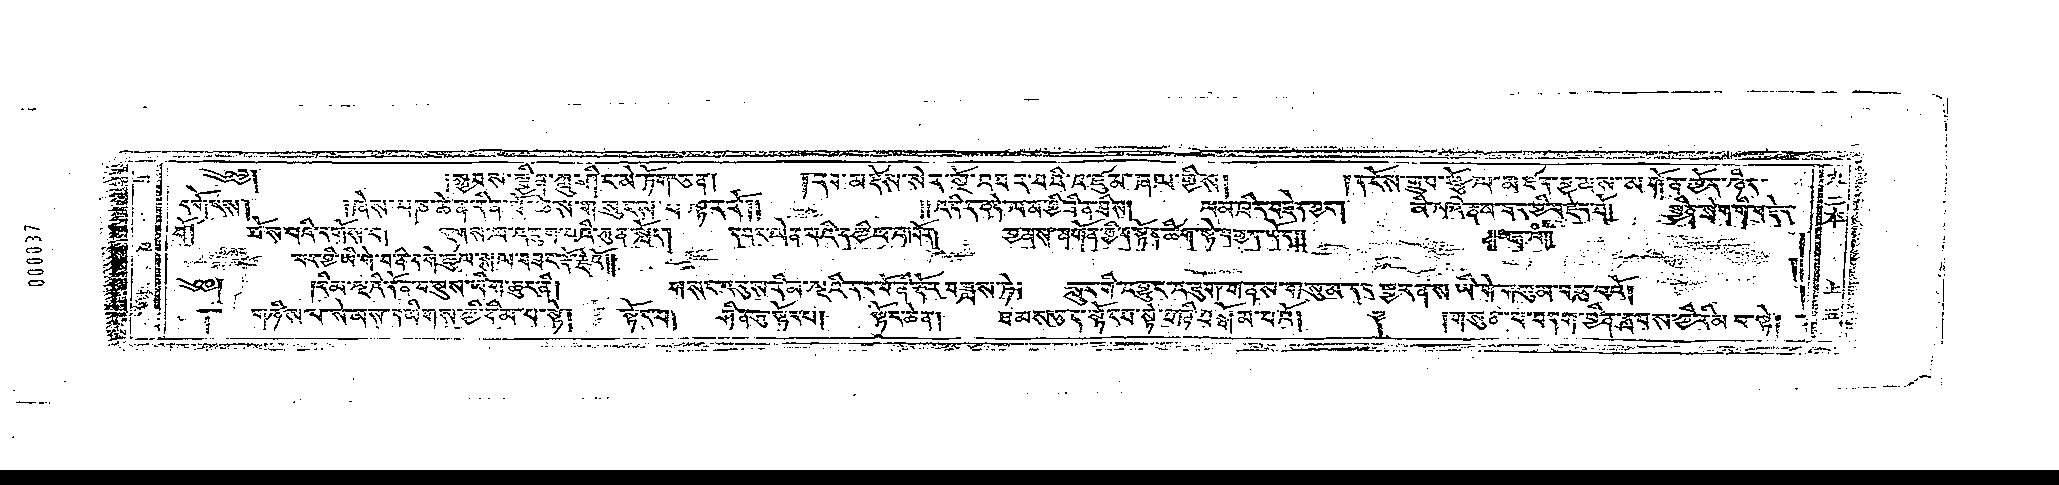༄༅། །སྐྱབས་སྦྱིན་ཀླུ་ཤིང་མེ་ཏོག་ཅན། །རབ་མཛེས་སེར་སྔོ་འབར་བའི་འཛུམ་ཞལ་གྱིས། །དངོས་གྲུབ་སྩོལ་མཛད་བྱམས་མགོན་ཁྱོད་ཉིད་
དགོངས། །ཞེས་པཎ་ཆེན་རིན་པོ་ཆེས་གསུངས་པ་ལྟར་རོ།། །།འདིར་བདེ་ལམ་གྱི་ཟིན་བྲིས། ལམ་ཁྲིད་བརྗེད་བྱང་། མི་ལའི་རྣམ་ཐར་གྱི་བརྗེད་ཐོ། སྦྱིན་སྲེག་གི་བརྗེད་
ཐོ། ཐོས་པའི་དགོས་པ། སྔགས་ལ་འཇུག་པའི་ཀུན་སློང་། དབང་ལེན་པའི་དཀྱིལ་འཁོར། བྱམས་མགོན་གྱི་བསྟོད་ཚིག་སྟེ་བརྒྱད་ཡོད།། །།མངྒ་ལཾ།། །།
པར་གྱི་ཡི་གེ་པ་ནི་དགེ་ཚུལ་སྐལ་བཟང་རྡོ་རྗེའོ།། །།
༄༅། །རིམ་ལྔའི་དོན་བསྡུས་ཡིག་ཆུང་ནི། གསང་འདུས་རིམ་ལྔའི་དང་པོ་ནི་རྡོར་བཟླས་ཏེ། རླུང་གི་འབྱུང་འཇུག་གནས་གསུམ་དང་སྦྱར་ནས་ཡི་གེ་གསུམ་བཟླ་བའོ། །
༈ གཉིས་བ་སེམས་དམིགས་ཀྱི་རིམ་པ་སྟེ། སྟོང་པ། ཤིན་ཏུ་སྟོང་པ། སྟོང་ཆེན། ཐམས་ཅད་སྟོང་པ་སྟེ་བཞི་བསྒོམ་པའོ། ༈ །གསུམ་པ་བདག་བྱིན་རླབས་ཀྱི་རིམ་པ་སྟེ།